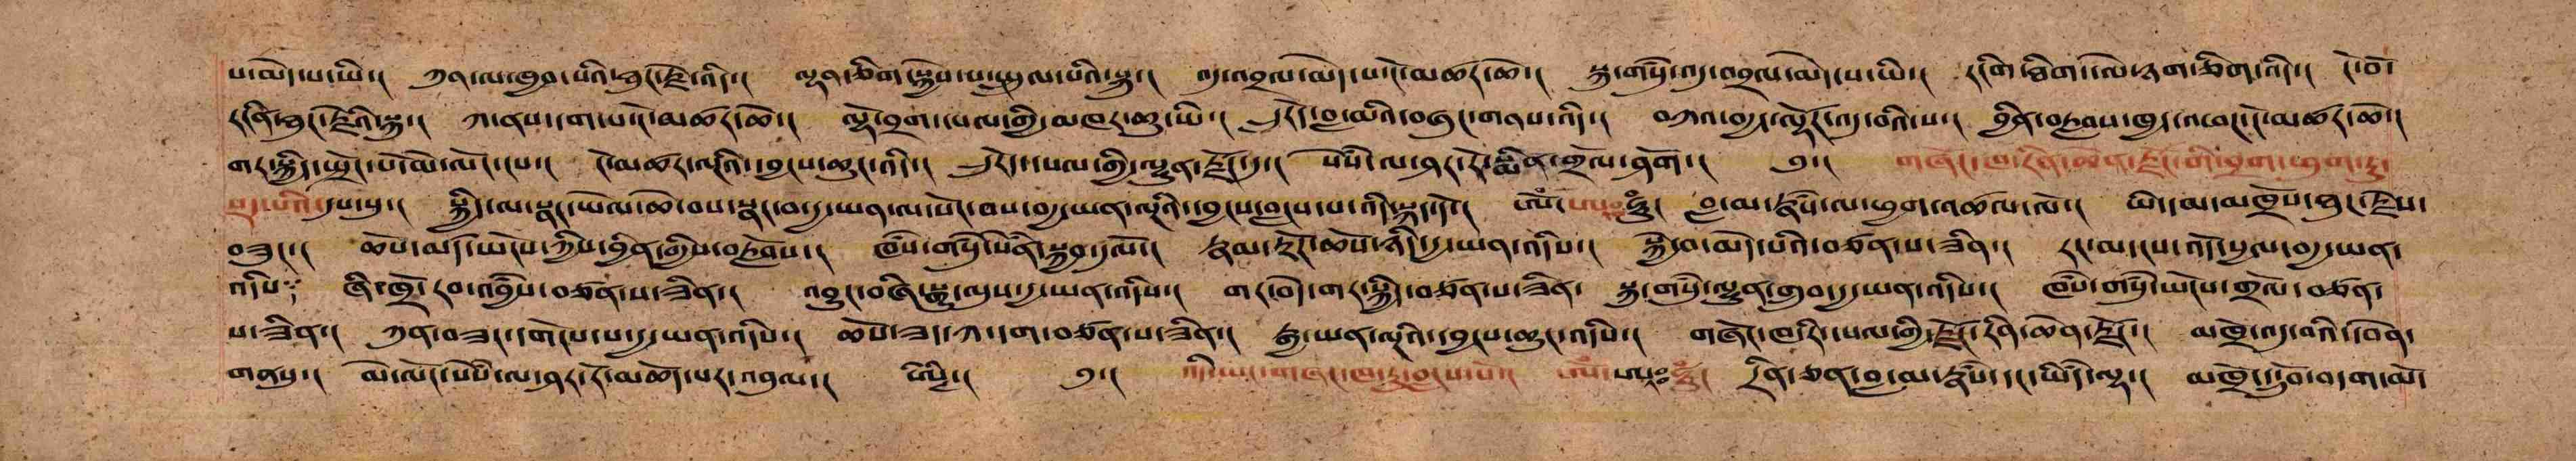པ་མེད་པ་ཡི། ཀུན་ལ་ཁྱབ་པའི་ཐུགས་རྗེ་འདི། ལྷན་ཅིག་སྐྱེས་པ་སྤྲུལ་པའི་སྐུ། འདུ་འབྲལ་མེད་པ་ངོ་མཚར་ཆེ། སྐུ་གསུམ་འདུ་འབྲལ་མེད་པ་ཡི། རང་རིག་ལིག་ལེ་ཉག་ཅིག་འདི། ངོ་བོ་
རང་བཞིན་ཐུགས་རྗེའི་སྐུ། ཀ་ནས་དག་པ་ངོ་མཚར་ཆེ། ལྷོ་བྲག་དཔལ་གྱི་མཁར་ཆུ་ཡི། དུར་ཁྲོད་བླ་མའི་བཞུང་གནས་འདི། བཀའ་བརྒྱད་ལྷོ་ཤར་འདུ་བའི་ས། བྱིན་བརླབས་ཁྱད་འཕགས་ངོ་མཚར་ཆེ། 
གར་སྐྱིད་སྤྲོང་པོ་མེ་ལོང་ངས། ངོ་མཚར་ལྔའི་དབྱངས་ཆུང་འདི། དུར་ཁྲོད་དཔལ་གྱི་ལྷུན་རྫོགས་དུ། སེམས་ལ་ཤར་རོ་སྨིན་གྲོལ་ཤོག ༄་། གཞོང་ཁ་རིན་ཆེན་རྫོང་གི་བྲག་ཕུག་ཏུ་
སྡད་པའི་དུས་སུ། སྐྱིད་ལ་སྣང་ཡེལ་ཆེ་བས་སྣང་བ་རྒྱ་ཡན་ལ་སོང་བས་བརྒྱ་ཡན་ལྔའི་དབྱངས་བླངས་པ་འདི་སྐད་དོ། ཨོཾ་ཨཱཿཧཱུཾ། བླ་མ་རྣམས་ལ་ཕྱག་འཚལ་ལོ། ཡི་དམ་མཁའ་འགྲོས་ཐུགས་རྗེས་
བཟུང་། ཆོས་མཛད་ཡོངས་ཀྱིས་བྱིན་གྱིས་བརློབས། ཁམས་གསུམ་སེམས་ཅན་སྐྱབ་དུ་གསོལ་ལོ། རྣམ་རྟོགས་ཆོས་ཉིད་རྒྱ་ཡན་འདིས། སྐྱེ་བ་མེད་པའི་བཙན་ས་ཟིན། རང་མདངས་འོད་གསལ་བརྒྱ་ཡན་
འདིས༑ ཞི་ཁྲོ་རབ་འབྱམས་བཙན་ས་ཟིན། འབྱུང་བཞི་སྒྱུ་ལུས་རྒྱ་ཡན་འདིས། གར་བདེ་གར་སྐྱིད་་བཙན་ས་ཟིན། སྐུ་གསུམ་ལྷུན་གྲུབ་རྒྱ་ཡན་འདིས། ཁམས་གསུམ་ཡོངས་གྲོལ་བཙན་
ས་ཟིན། ཀུན་བཟང་དགོངས་པ་རྒྱ་ཡན་འདིས། ཆོས་ཟད་ཀ་དག་བཙན་ས་ཟིན། རྒྱ་ཡན་ལྔའི་དབྱངས་ཆུང་འདིས། གཞོང་ཁ་རི་དཔལ་གྱི་རྫོང་རིན་ཆེན་རྫོང་། མཁའ་འགྲོ་འདུ་བའི་དབེན་
གནས་སུ། མེ་ལོང་སེམས་ལ་ཤར་རོ་མཆོད་པར་འབུལ། ཨིཊི། ༄་། འདི་ཡང་གཞང་ཁ་རུ་བླངས་པོ། ཨོཾ་ཨཱཿཧཱུཾ། དྲིན་ཅན་བླ་མ་རྣམས་དང་ཡི་དམ་ལྷ། མཁའ་འགྲོ་དངོས་གྲུབ་བདག་མོ་